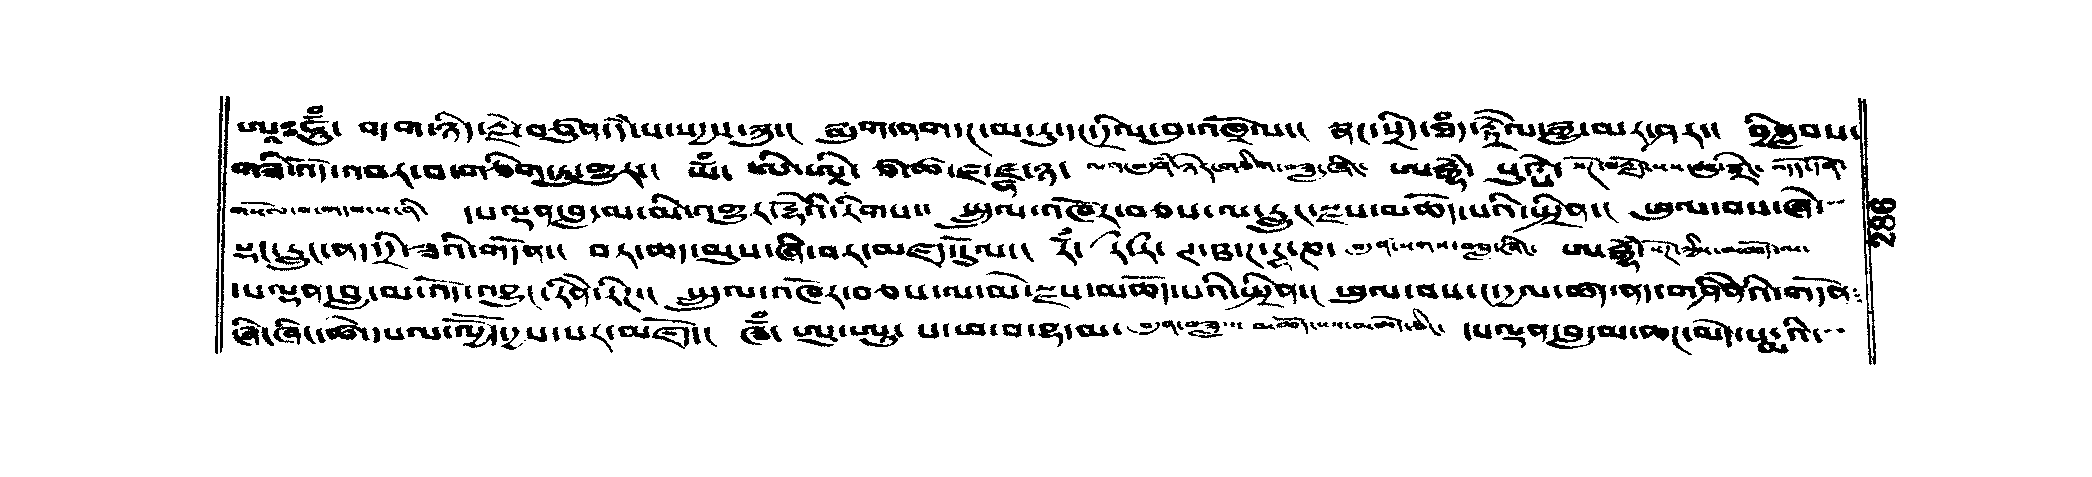ཨཱཿཧཱུྃ། བདག་ཉིད་རྗེ་བཙུན་དམ་པ་སངས་རྒྱས་སྐུ། །སྨུག་ནག་ཌ་མ་རུ་དང་དྲིལ་བུ་འཁྲོལ། །སྣང་སྲིད་ཐམས་ཅད་རྟེན་འབྲེལ་སྒྱུ་མར་ཤར། །བྱིན་རླབས་
གཟི་འོད་འབར་བ་གཅིག་ཏུ་གྱུར། །ཡྃ། ཨི་ཨཱི། ཙ་ཚ་ཛ་ཛྷ་ཉ། ལན་བདུན་ནམ་ཉེར་གཅིག་བཟླ་ཞིང་། ཨརྒྷཾ། པུཥྤེ། སོགས་བརྗོད་པས་ཆུ་སྦྲེང་། འདོད་དོན་
གསོལ་བ་གདབ་པ་ནི། དཔལ་ལྡན་བླ་མ་མི་འགྱུར་རྡོ་རྗེའི་རིགས། །སྤྲུལ་འཁོར་བཅས་པ་རླུང་རྫས་མཆོད་པའི་སྤྲིན། །ཕུལ་བས་ཞེད་
སྡང་རླུང་ནད་དྲི་ཟའི་གདོན། ་་་་་་་་་
ཞི་ཞིང་ཚེ་དཔལ་ལོངས་སྤྱོད་རྒྱས་པར་མཛོད། ། ཝྃ། ཨུ་ཨུ། པ་ཕ་བ་བྷ་མ། བདུན་བཟླས་མཆོད་པ་མཆོད་ཅིང་། དཔལ་ལྡན་བླ་མ་ཆགས་མེད་པདྨའི་